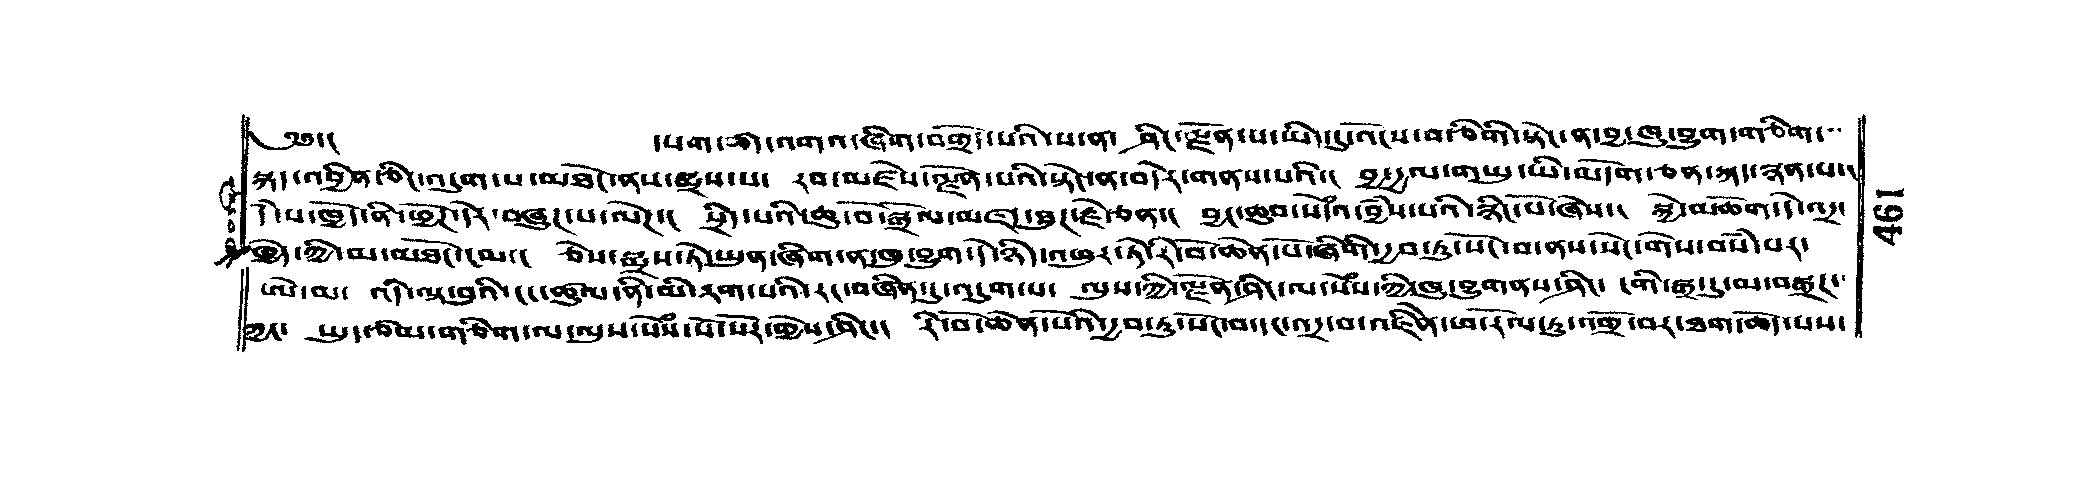དཔག་ཚད་འགའ་ཞིག་བགྲོད་པའི་ས་ན།ཤིང་ལྗོན་པ་ཡིད་དུ་འོང་བ་ཅཞག་གི་སྟེང་ན་བྱ་ཁུ་བྱུག་གཅིག་
སྐད་འབྱིན་ཅིང་འདུག་པ་མཐོང་ནས་སྨྲས་པ། རབ་མཛེས་ལྗོན་པའི་སྟེང་ན་བདེར་གནས་པའི། །བྱ་རྒྱལ་གཡུ་ཡི་མདོག་ཅན་སྐད་སྙན་པ། །
དམ་པ་ཁྱོད་ནི་ཕྱོགས་དེར་བཞུགས་པ་ལེགས། །སྲིད་པའི་ཆུ་བོ་སྒྲོལ་མཛད་ཐུགས་རྗེ་ཅན། །བྱང་ཆུབ་སེམས་དཔའ་བྱམས་པའི་སྙིང་པོ་ཞེས། །སྐྱེ་མཆོག་དེ་འདྲ་
ཁྱེད་ཀྱི་མ་མཐོང་ངམ། །ཞེས་སྨྲས་ཏེ་ཡུན་ཞིག་ན་ཁུ་བྱུག་དེ་ཉིད་འཕུར་ཏེ་རི་བོ་ཆེན་པོ་ཞིག་གི་རྒྱབ་ཏུ་སོང་བ་ནས་སེངྒེས་བསམ་པར། 
ཨེ་མ། འདི་ལྟ་བུའི་ངང་ཚུལ་ནི་མི་རྟག་པའི་རང་བཞིན་དུ་འདུུག་པ། ལུས་ཀྱི་ལྗོན་ཤིང་ལ་སེམས་ཀྱི་ཁུ་བྱུག་གནས་ཤིང་། ངག་གི་སྒྲ་དུ་མ་བསྒྲགས་
ཀྱང་། ཡུད་ཙམ་གཅིག་ལ་ལུས་སེམས་སོ་སོར་གྱེས་ཤིང་། རི་བོ་ཆེན་པོའི་རྒྱབ་ཏུ་སོང་བ་དང་འདྲ་བ་འཇིག་རྟེན་ཕ་རོལ་ཏུ་འགྲོ་བར་ཐག་ཆོད་པས་